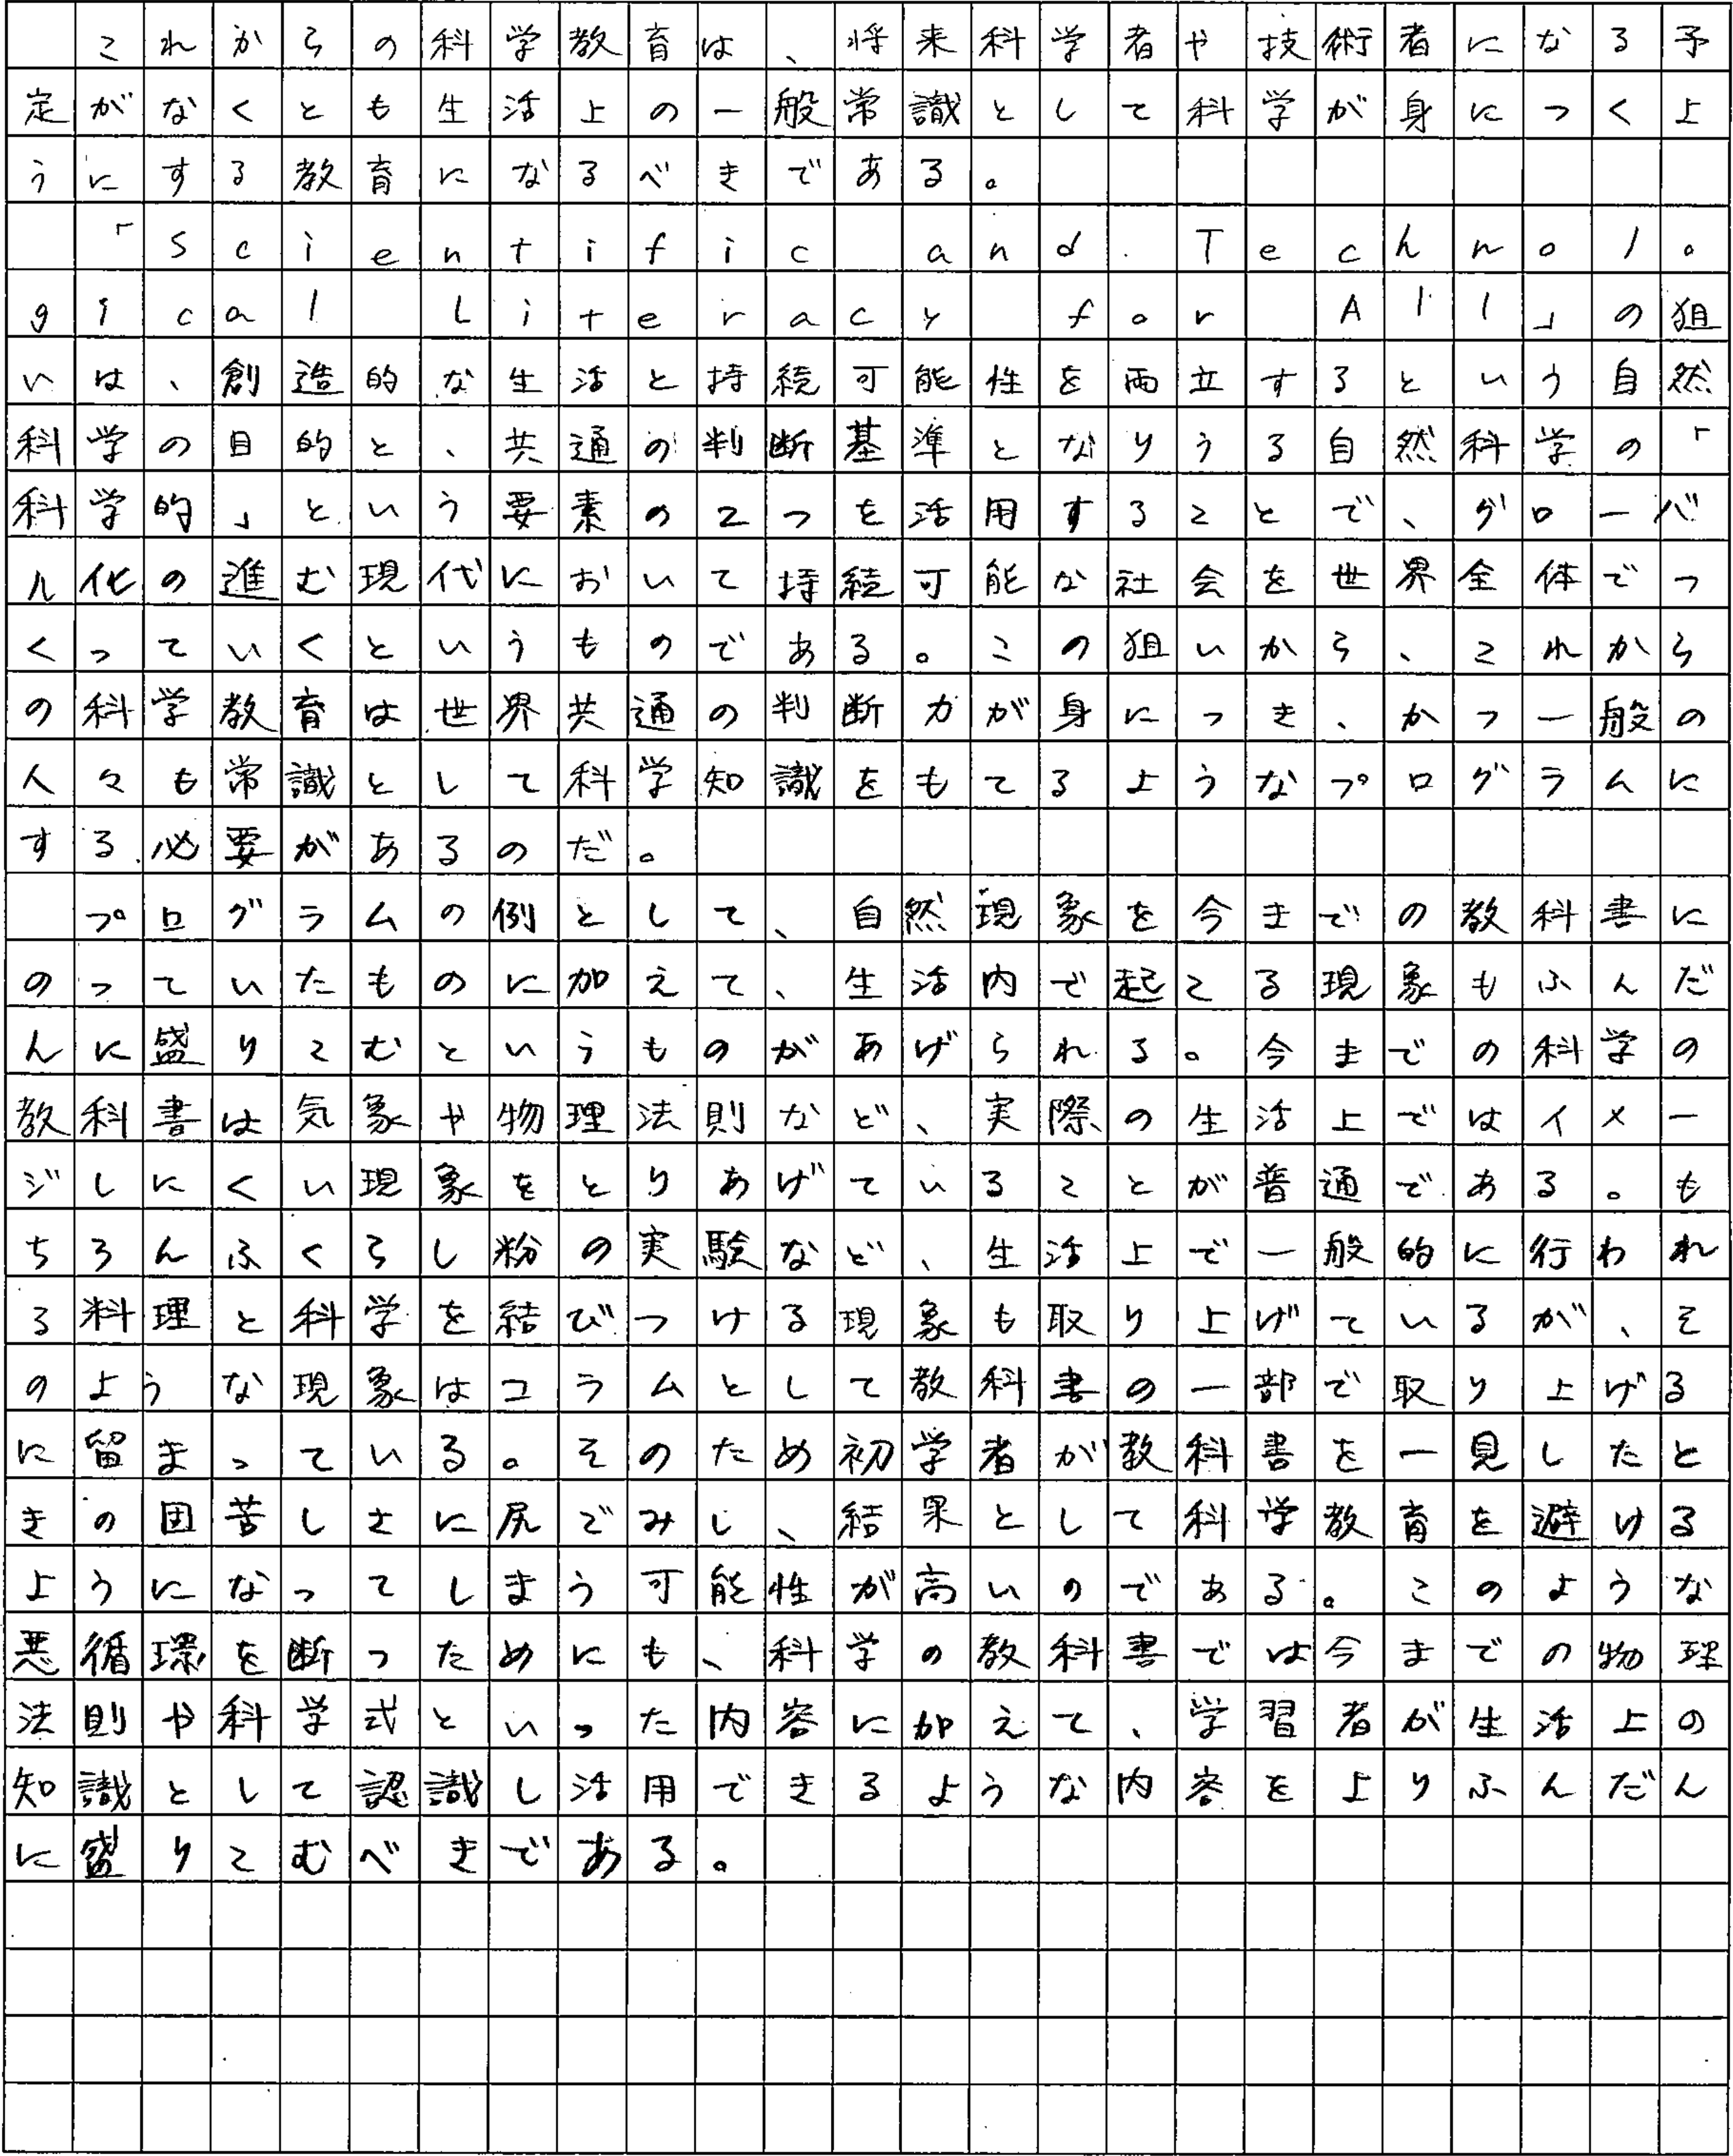　これからの科学教育は、将来科学者や技術者になる予定がなくとも生活上の一般常識として科学が身につくようにする教育になるべきである。
　「Ｓｃｉｅｎｔｉｆｉｃ　ａｎｄ　Ｔｅｃｈｎｏｌｏｇｉｃａｌ　Ｌｉｔｅｒａｃｙ　ｆｏｒ　Ａｌｌ」の狙いは、創造的な生活と持続可能性を両立するという自然科学の目的と、共通の判断基準となりうる自然科学の「科学的」という要素の２つを活用することで、グローバル化の進む現代において持続可能な社会を世界全体でつくっていくというものである。この狙いから、これからの科学教育は世界共通の判断力が身につき、かつ一般の人々も常識として科学知識をもてるようなプログラムにする必要があるのだ。
　プログラムの例として、自然現象を今までの教科書にのっていたものに加えて、生活内で起こる現象もふんだんに盛りこむというものがあげられる。今までの科学の教科書は気象や物理法則など、実際の生活上ではイメージしにくい現象をとりあげていることが普通である。もちろんふくらし粉の実験など、生活上で一般的に行われる料理と科学を結びつける現象も取り上げているが、そのような現象はコラムとして教科書の一部で取り上げるに留まっている。そのため初学者が教科書を一見したときの固苦しさに尻ごみし、結果として科学教育を避けるようになってしまう可能性が高いのである。このような悪循環を断つためにも、科学の教科書では今までの物理法則や科学式といった内容に加えて、学習者が生活上の知識として認識し活用できるような内容をよりふんだんに盛りこむべきである。
